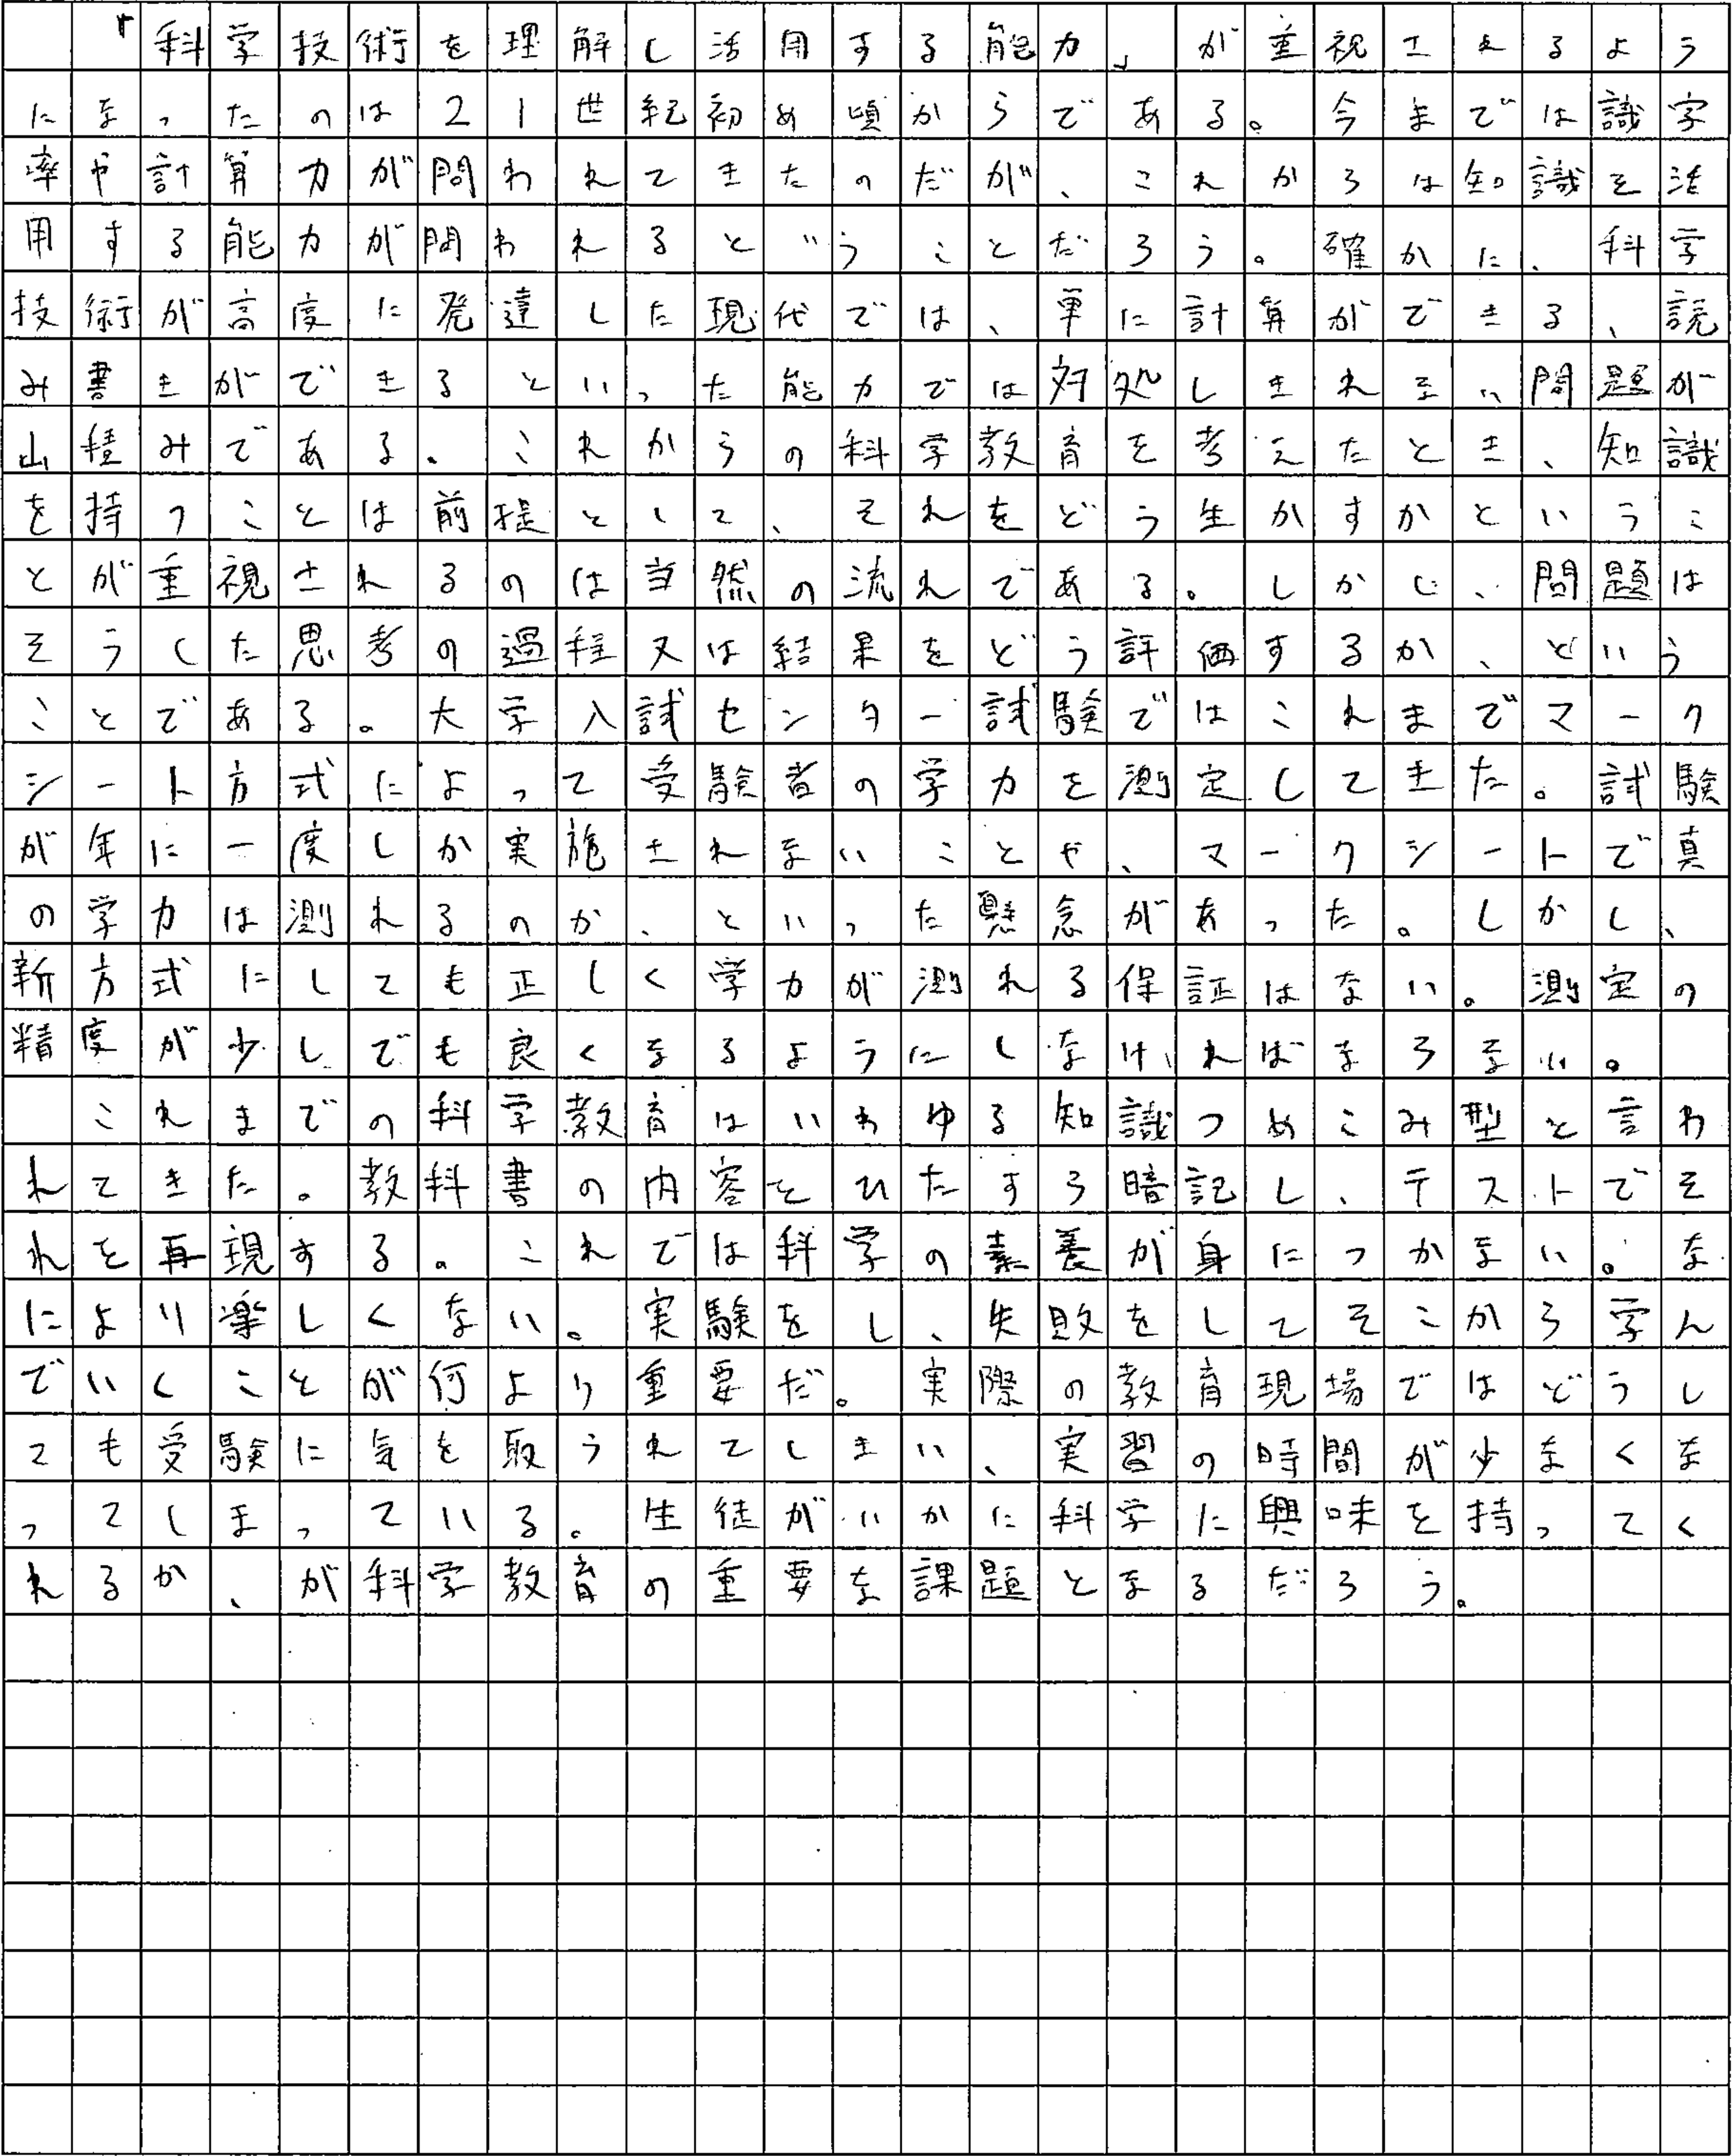　「科学技術を理解し活用する能力」が重視されるようになったのは２１世紀初め頃からである。今までは識字率や計算力が問われてきたのだが、これからは知識を活用する能力が問われるということだろう。確かに、科学技術が高度に発達した現代では、単に計算ができる、読み書きができるといった能力では対処しきれない問題が山積みである。これからの科学教育を考えたとき、知識を持つことは前提として、それをどう生かすかということが重視されるのは当然の流れである。しかし、問題はそうした思考の過程又は結果をどう評価するか、ということである。大学入試センター試験ではこれまでマークシート方式によって受験者の学力を測定してきた。試験が年に一度しか実施されないことや、マークシートで真の学力は測れるのか、といった懸念があった。しかし、新方式にしても正しく学力が測れる保証はない。測定の精度が少しでも良くなるようにしなければならない。
　これまでの科学教育はいわゆる知識つめこみ型と言われてきた。教科書の内容をひたすら暗記し、テストでそれを再現する。これでは科学の素養が身につかない。なにより楽しくない。実験をし、失敗をしてそこから学んでいくことが何より重要だ。実際の教育現場ではどうしても受験に気を取られてしまい、実習の時間が少なくなってしまっている。生徒がいかに科学に興味を持ってくれるか、が科学教育の重要な課題となるだろう。
